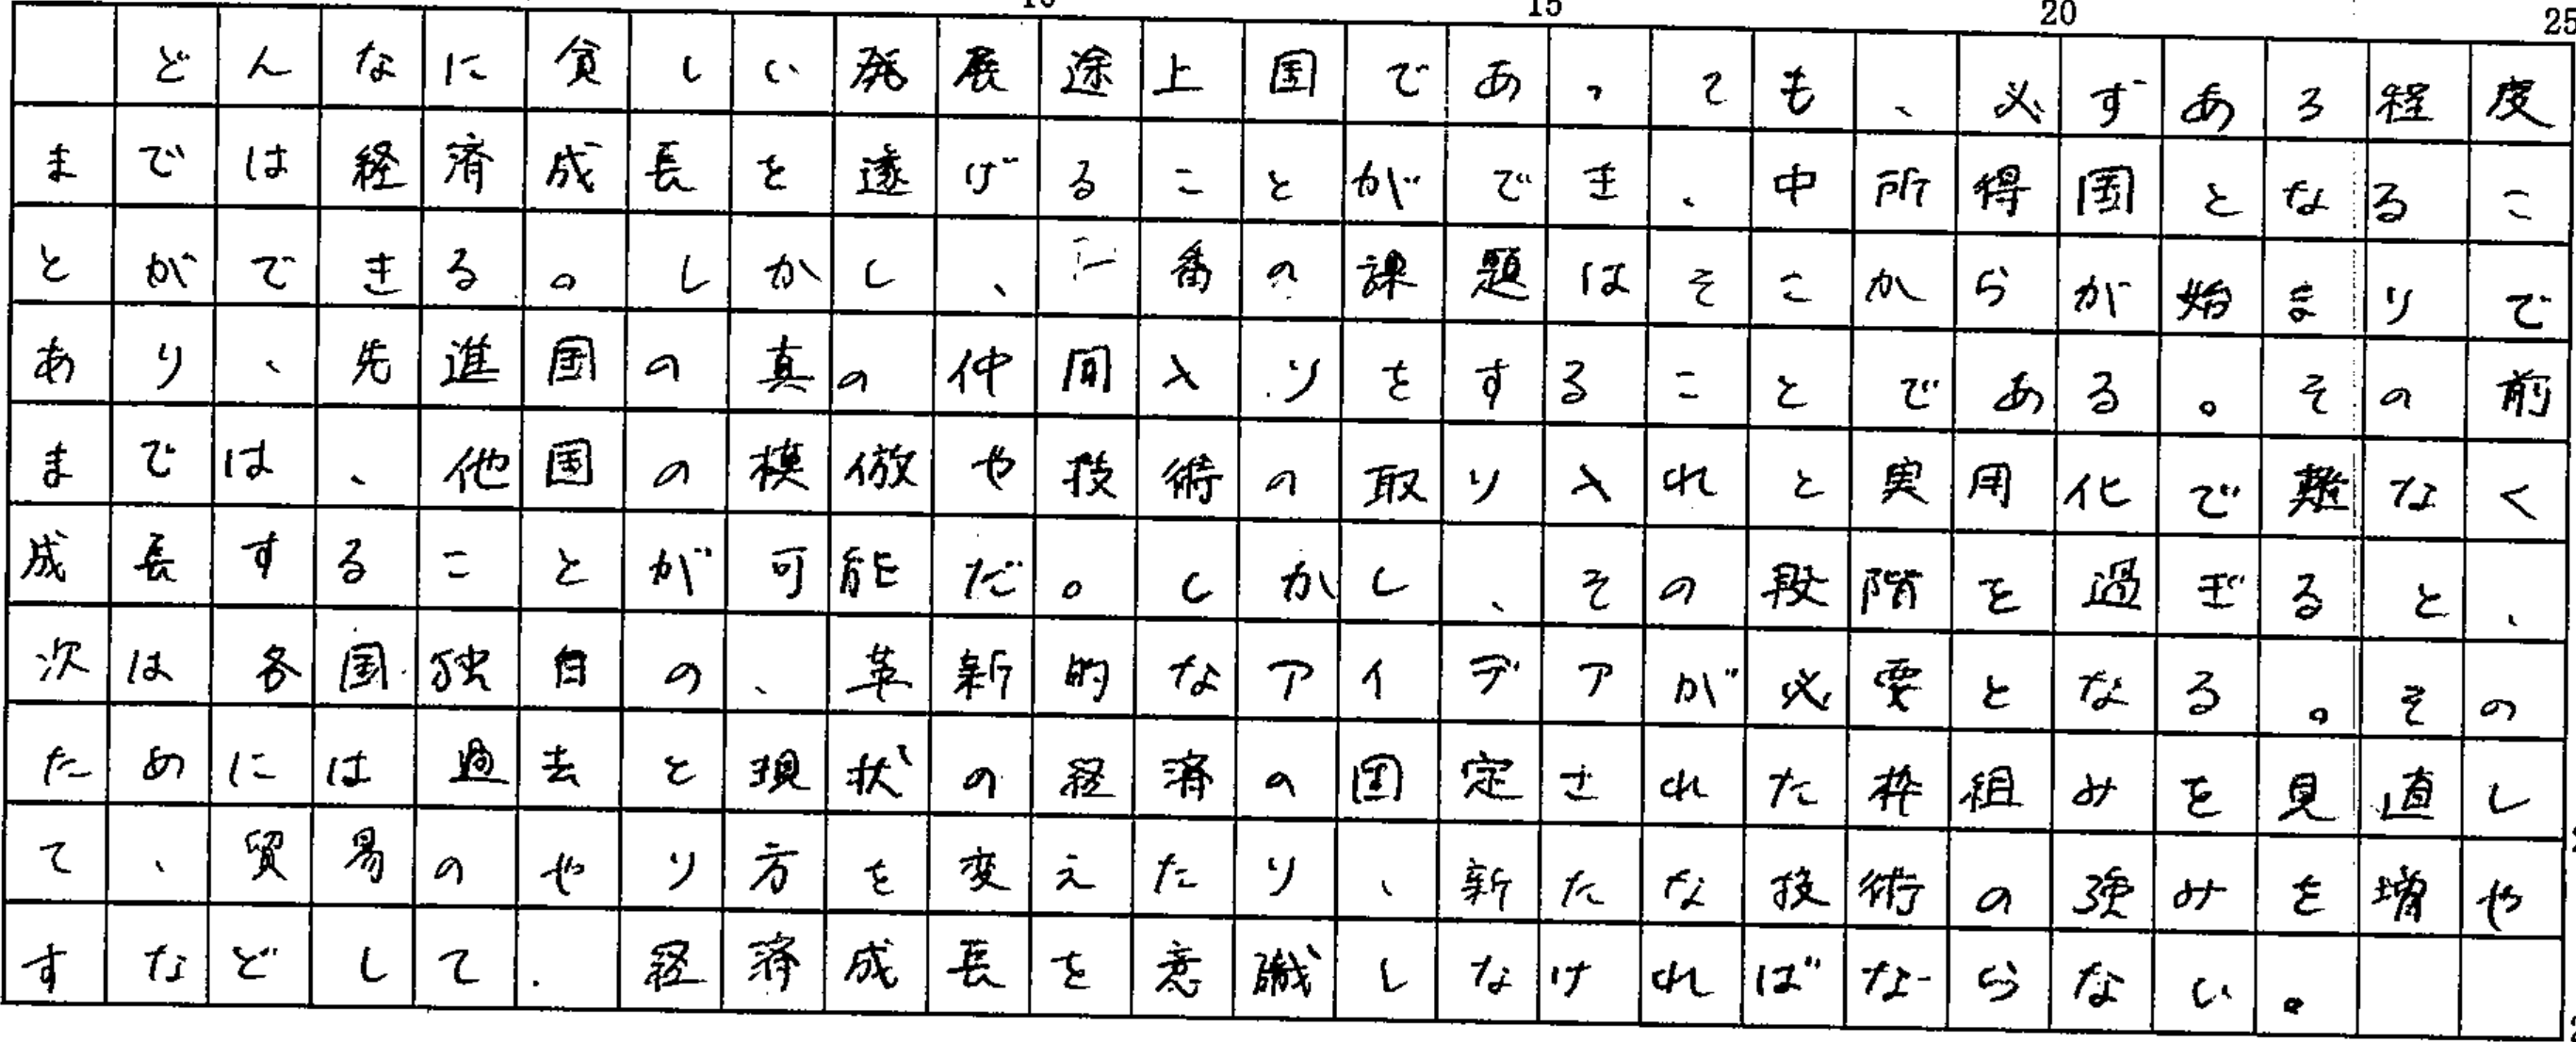　どんなに貧しい発展途上国であっても、必ずある程度までは経済成長を遂げることができ、中所得国となることができる。しかし、一番の課題はそこからが始まりであり、先進国の真の仲間入りをすることである。その前までは、他国の模倣や技術の取り入れと実用化で難なく成長することが可能だ。しかし、その段階を過ぎると、次は各国独自の、革新的なアイデアが必要となる。そのためには過去と現状の経済の固定された枠組みを見直して、貿易のやり方を変えたり、新たな技術の強みを増やすなどして、経済成長を意識しなければならない。
